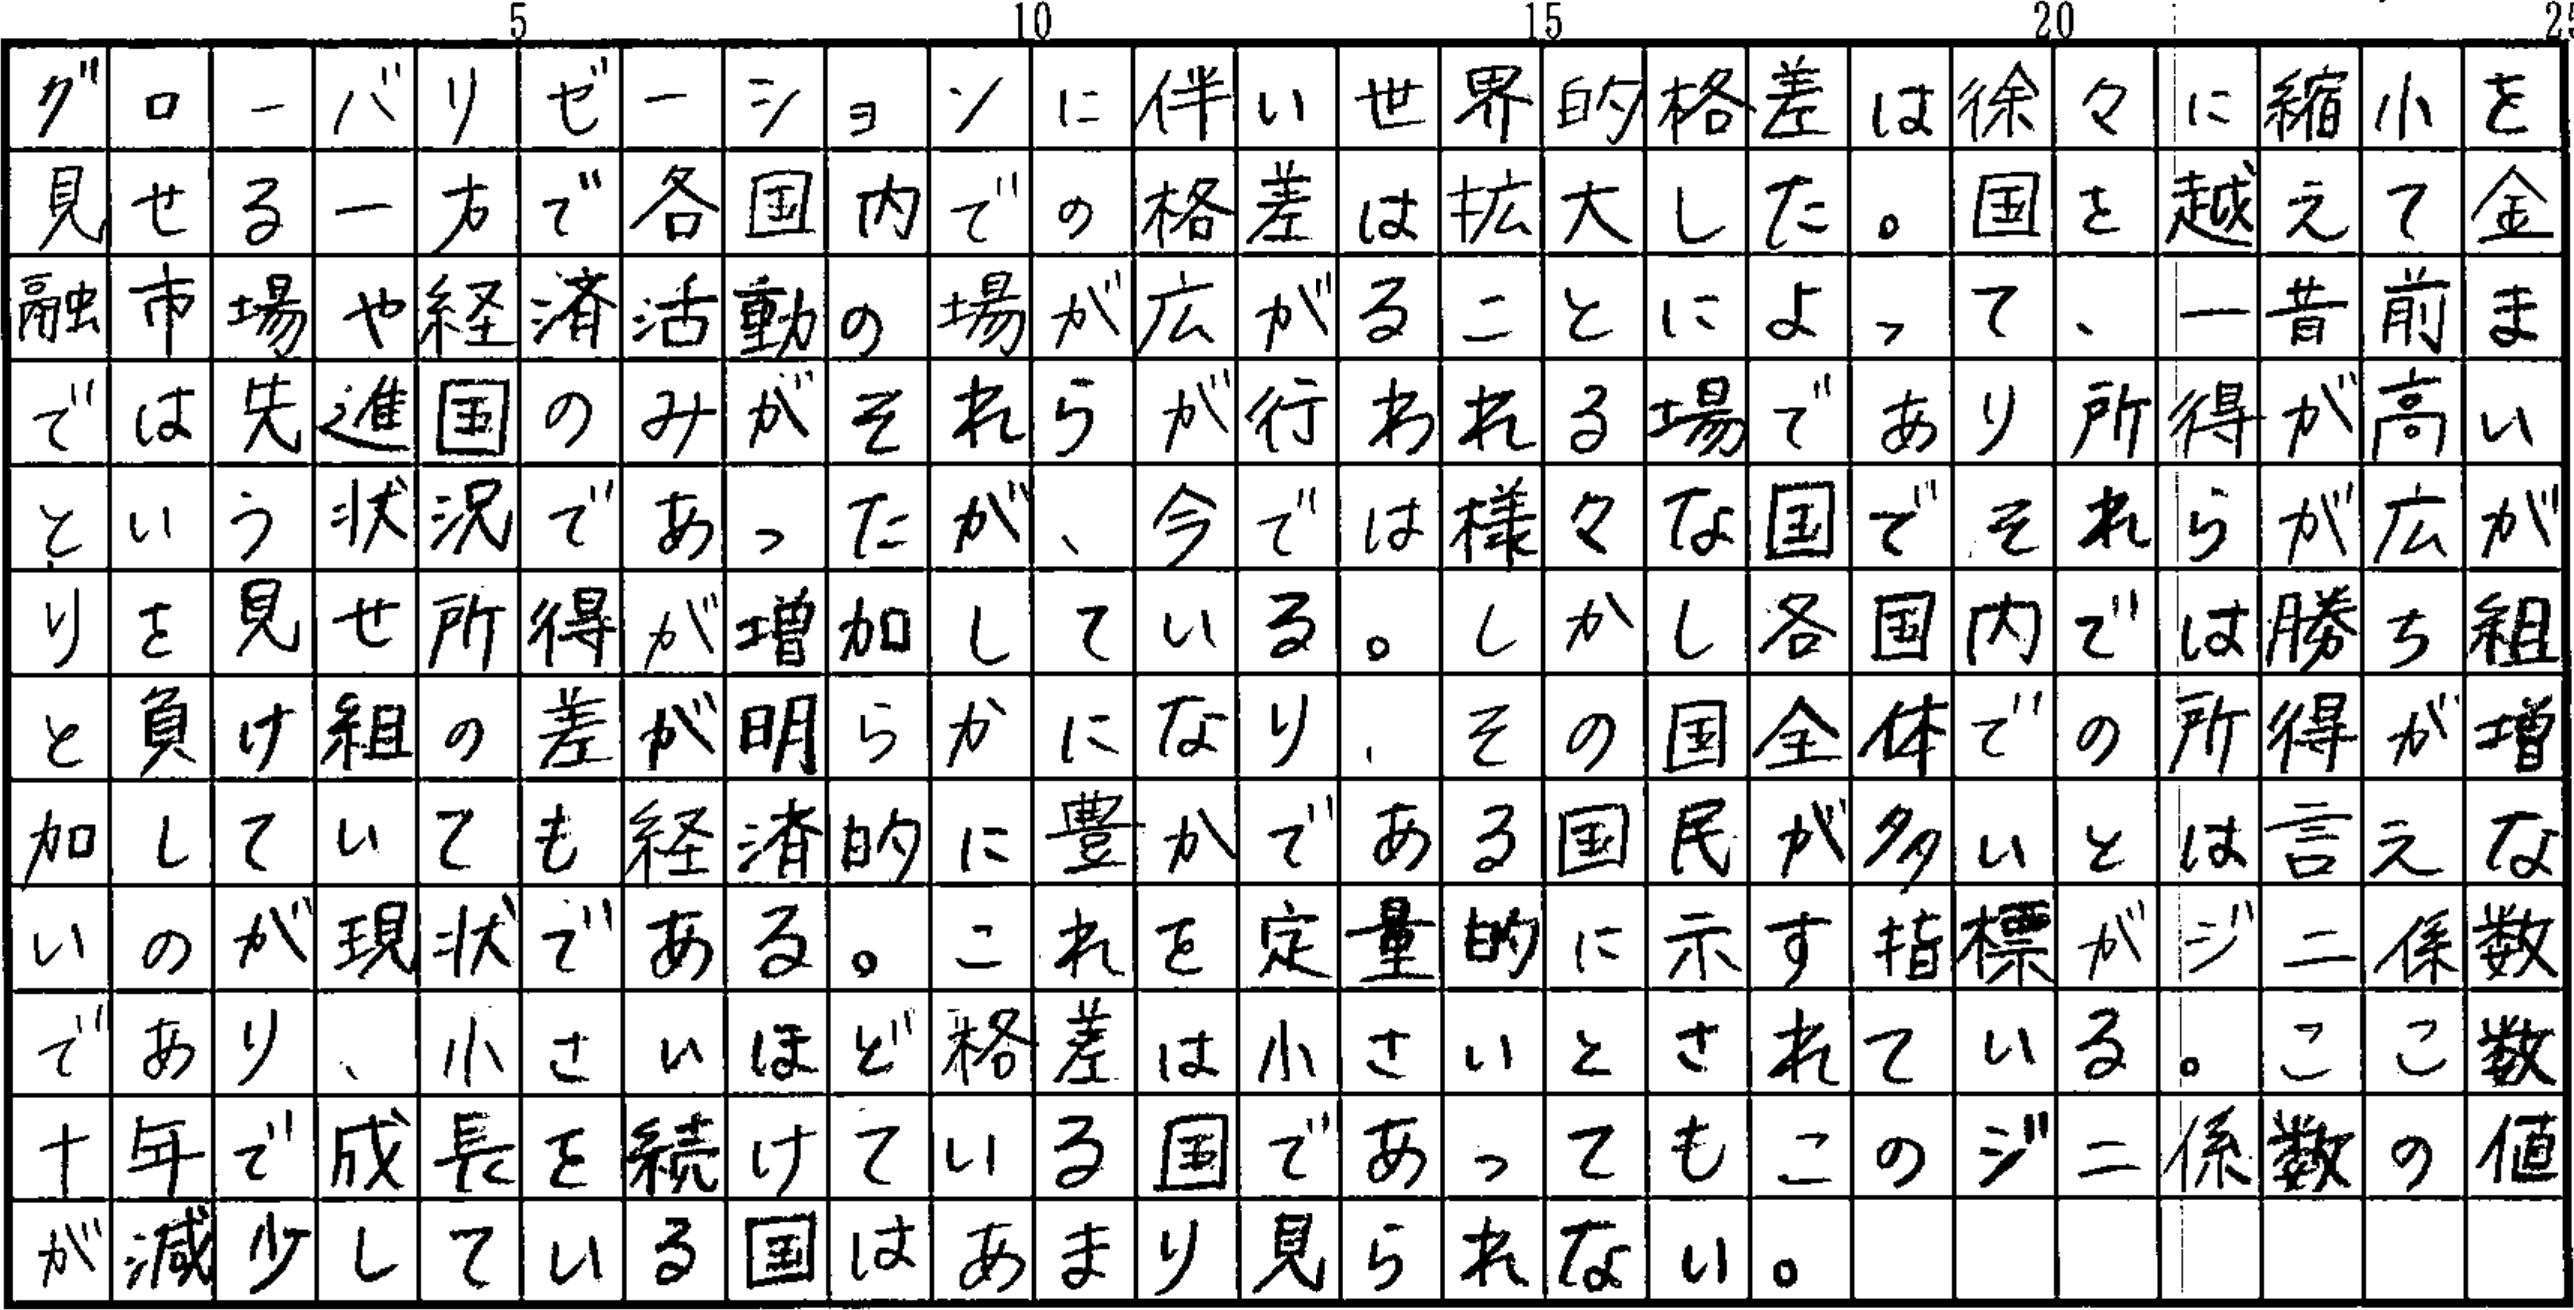グローバリゼーションに伴い世界的格差は徐々に縮小を見せる一方で各国内での格差は拡大した。国を越えて金融市場や経済活動の場が広がることによって、一昔前までは先進国のみがそれらが行われる場であり所得が高いという状況であったが、今では様々な国でそれらが広がりを見せ所得が増加している。しかし各国内では勝ち組と負け組の差が明らかになり、その国全体での所得が増加していても経済的に豊かである国民が多いとは言えないのが現状である。これを定量的に示す指標がジニ係数であり、小さいほど格差は小さいとされている。ここ数十年で成長を続けている国であってもこのジニ係数の値が減少している国はあまり見られない。
